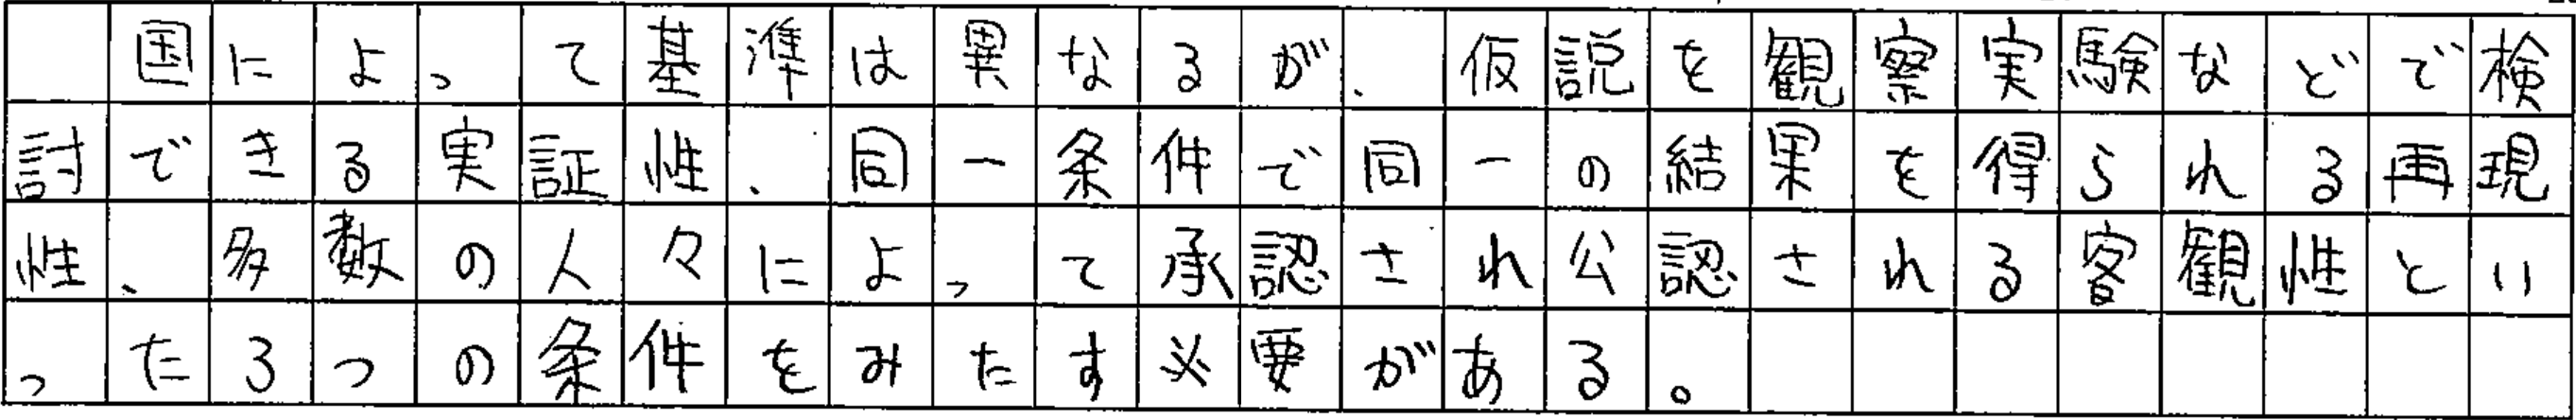　国によって基準は異なるが、仮説を観察実験などで検討できる実証性、同一条件で同一の結果を得られる再現性、多数の人々によって承認され公認される客観性といった３つの条件をみたす必要がある。
